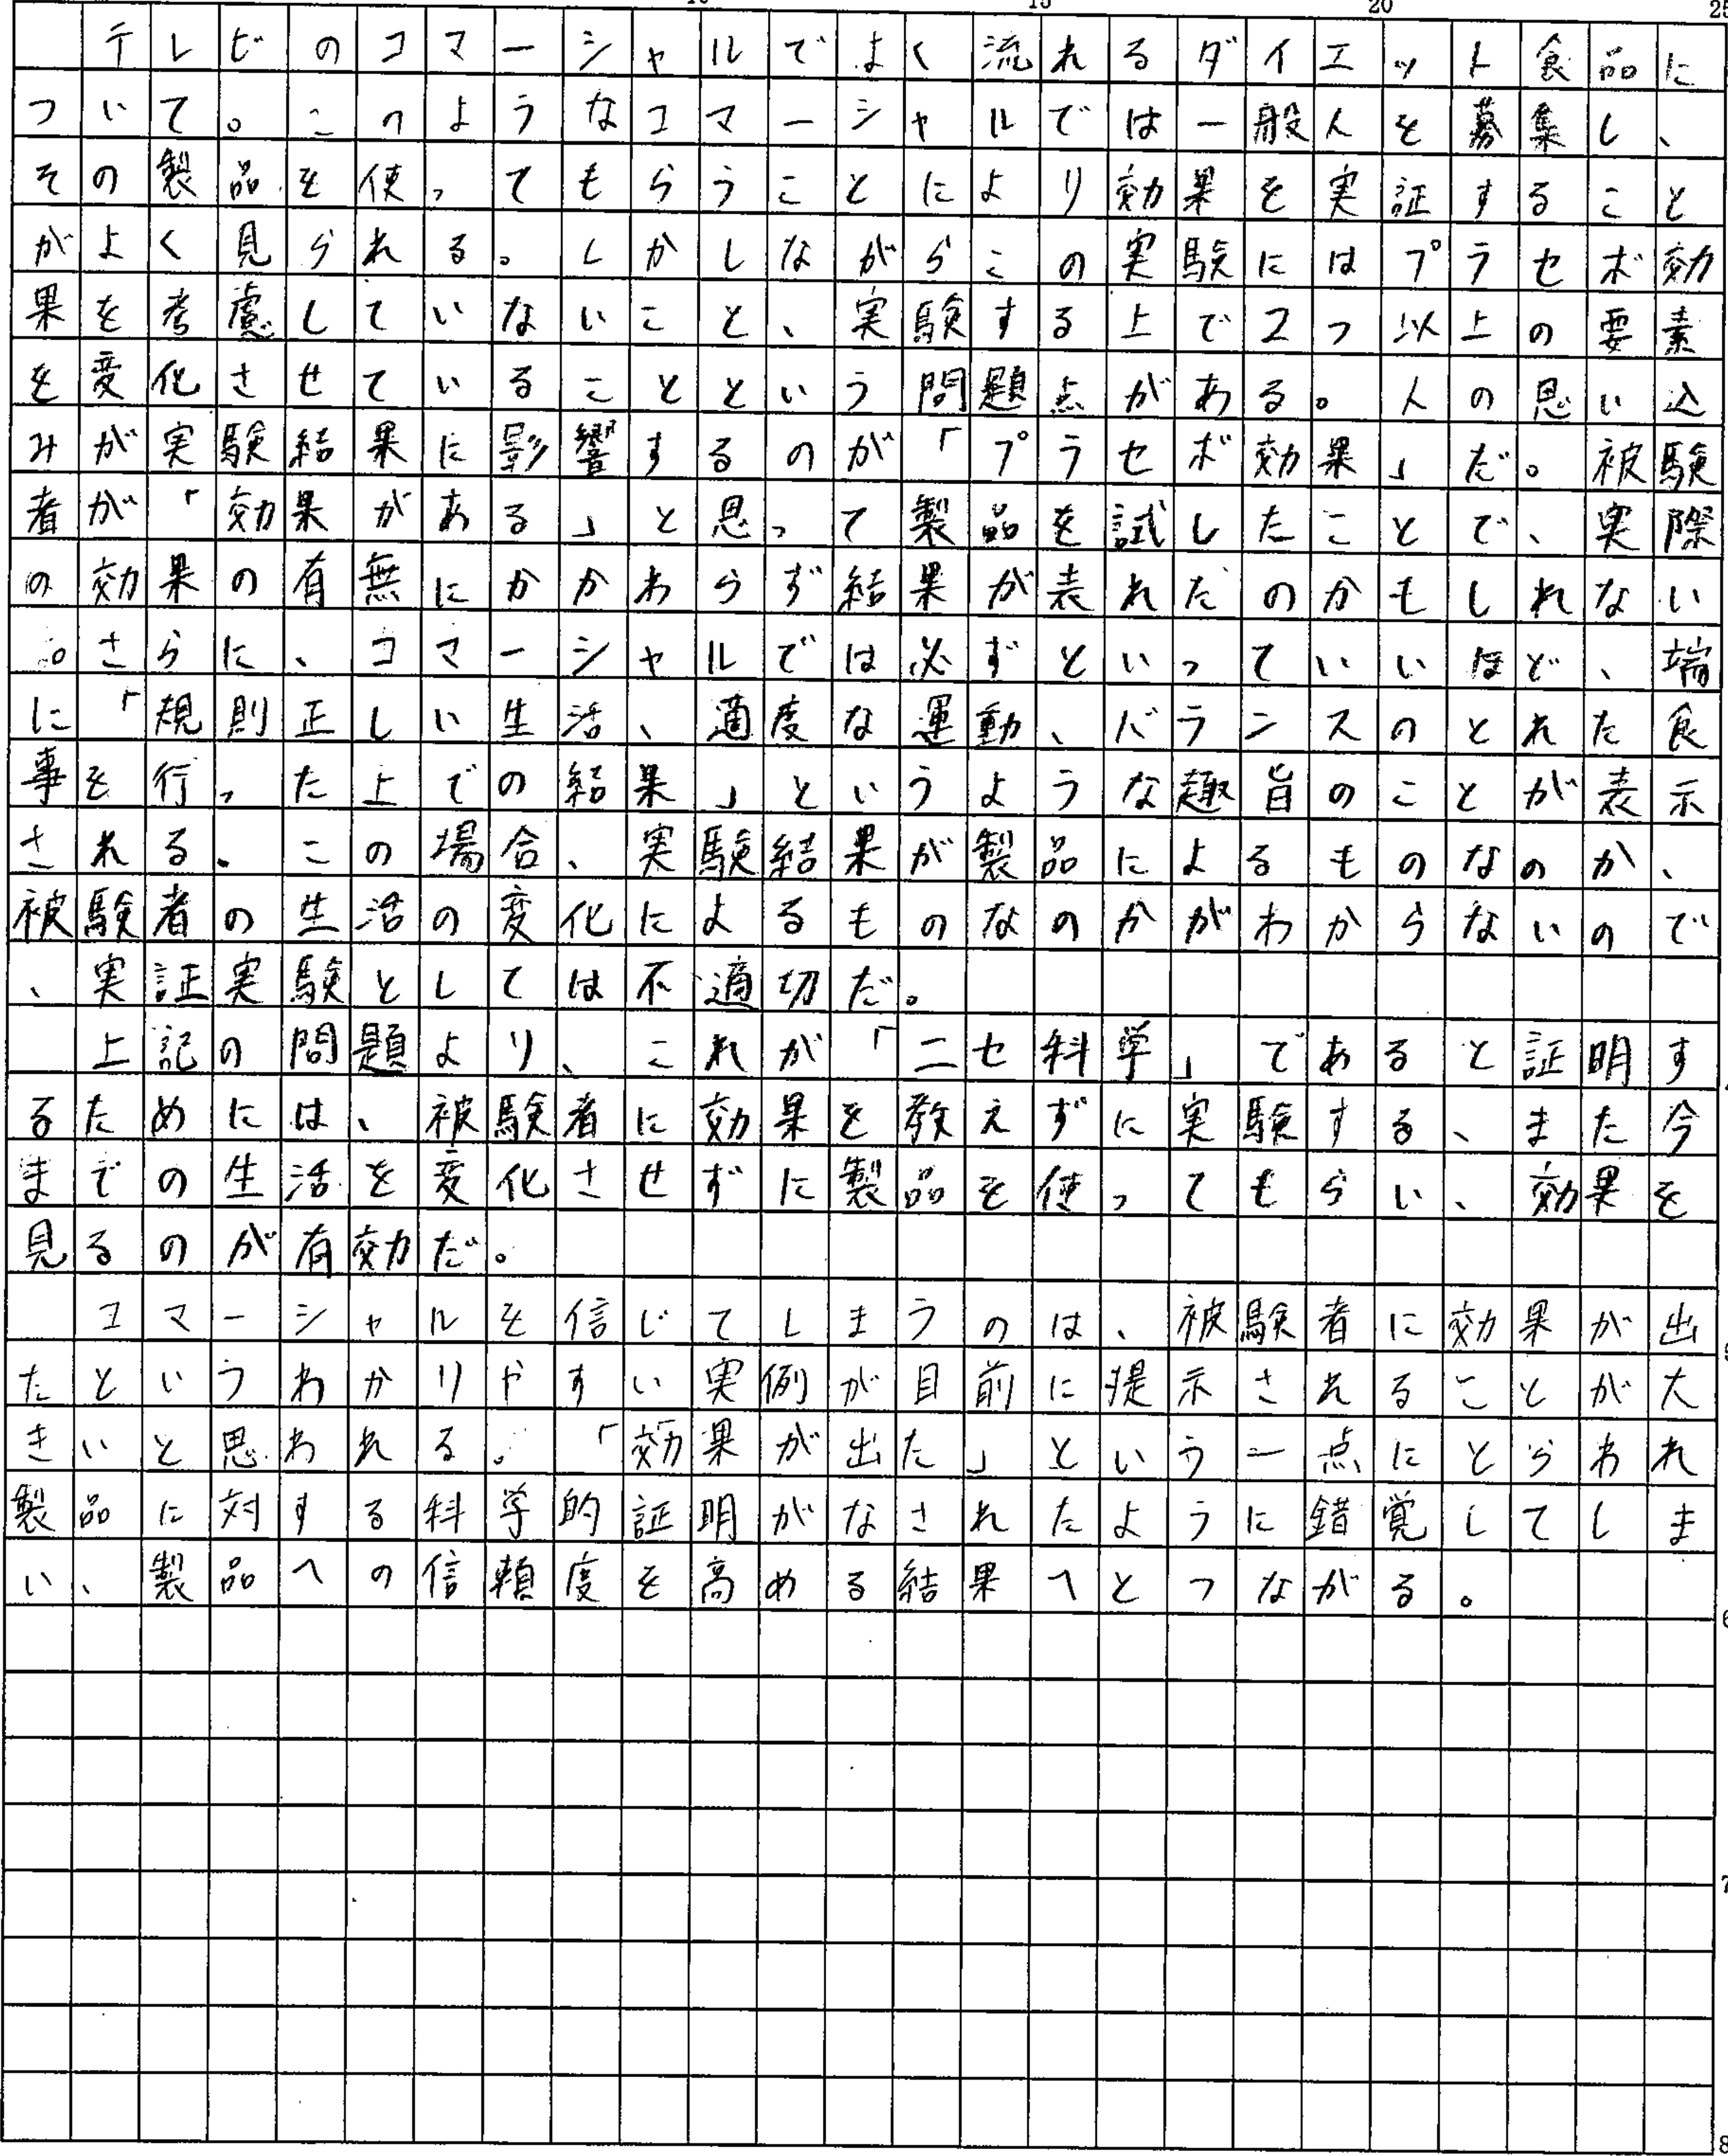　テレビのコマーシャルでよく流れるダイエット食品について。このようなコマーシャルでは一般人を募集し、その製品を使ってもらうことにより効果を実証することがよく見られる。しかしながらこの実験にはプラセボ効果を考慮していないこと、実験する上で２つ以上の要素を変化させていることという問題点がある。人の思い込みが実験結果に影響するのが「プラセボ効果」だ。被験者が「効果がある」と思って製品を試したことで、実際の効果の有無にかかわらず結果が表れたのかもしれない。さらに、コマーシャルでは必ずといっていいほど、端に「規則正しい生活、適度な運動、バランスのとれた食事を行った上での結果」というような趣旨のことが表示される。この場合、実験結果が製品によるものなのか、被験者の生活の変化によるものなのかがわからないので、実証実験としては不適切だ。
　上記の問題より、これが「ニセ科学」であると証明するためには、被験者に効果を教えずに実験する、また今までの生活を変化させずに製品を使ってもらい、効果を見るのが有効だ。
　コマーシャルを信じてしまうのは、被験者に効果が出たというわかりやすい実例が目前に提示されることが大きいと思われる。「効果が出た」という一点にとらわれ製品に対する科学的証明がなされたように錯覚してしまい、製品への信頼度を高める結果へとつながる。
